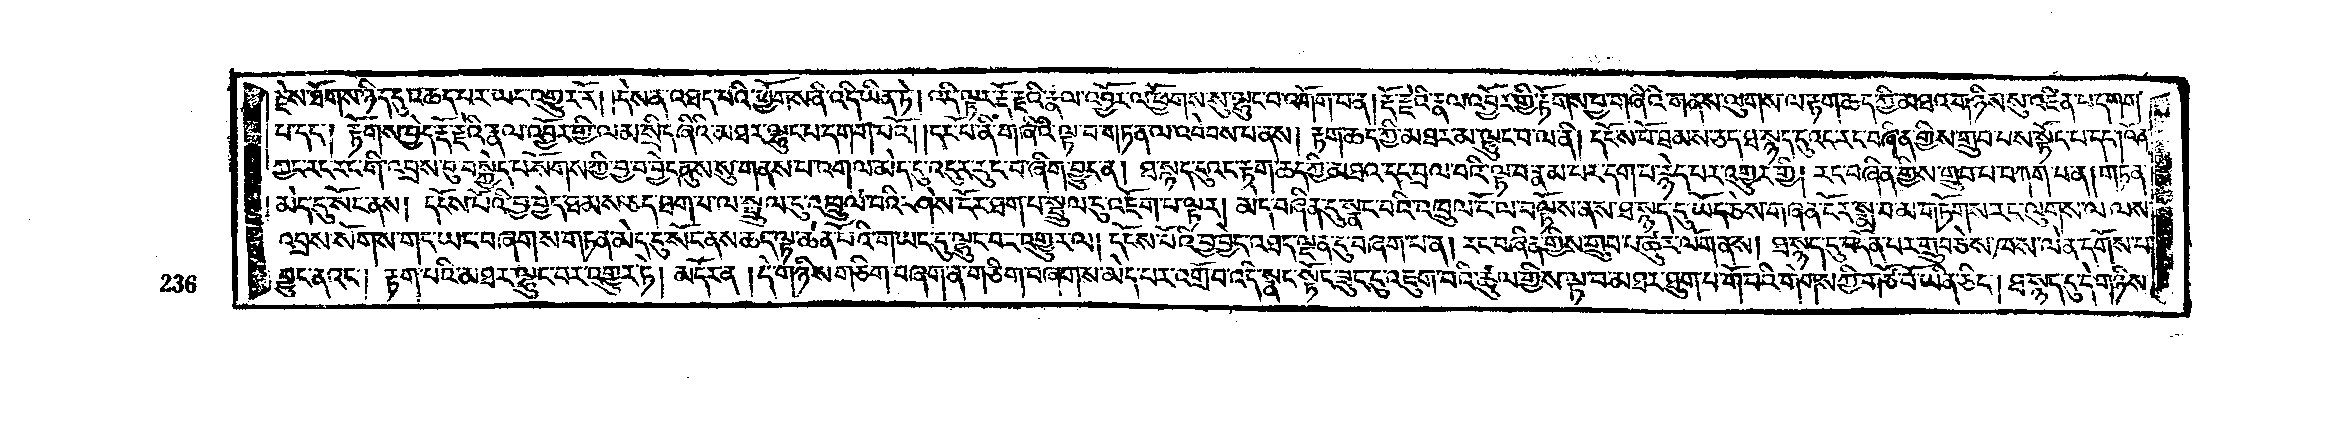རྗེས་ཐོགས་ཉིད་དུ་འཆད་པར་ཡང་འགྱུར་རོ། །དེས་ན་འཐད་པའི་ཕྱོགས་ནི་འདི་ཡིན་ཏེ། འདི་ལྟར་རྡོ་རྗེའི་རྣལ་འབྱོར་ལ་ཕྱོགས་སུ་ལྷུང་བ་འགོག་པ་ན། རྡོ་རྗེའི་རྣལ་འབྱོར་གྱི་རྟོགས་བྱ་གཞིའི་གནས་ལུགས་ལ་རྟག་ཆད་ཀྱི་མཐའ་གཉིས་སུ་འཛིན་པ་དགག་
པ་དང་།རྟོགས་བྱེད་རྡོ་རྗེའི་རྣལ་འབྱོར་གྱི་ལམ་སྲིད་ཞིའི་མཐར་ལྷུང་པ་དགག་པའོ། །དང་པོ་ནི་གཞིའི་ལྟ་བ་གཏན་ལ་འབེབས་པ་ནས། རྟག་ཆད་ཀྱི་མཐར་མ་ལྷུང་བ་ལ་ནི། དངོས་པོ་ཐམས་ཅད་ཐ་སྙད་དུའང་རང་བཞིན་གྱིས་གྲུབ་པས་སྟོང་པ་དང་། འོ་ན་
ཀྱང་རང་རང་གི་འབྲས་བུ་བསྐྱེད་པ་སོགས་ཀྱི་བྱ་བ་བྱེད་ནུས་སུ་གནས་པ་འགལ་མེད་དུ་འདུར་རུང་བ་ཞིག་བྱུང་ན། ཐ་སྙད་དུའང་རྟག་ཆད་ཀྱི་མཐའ་དང་བྲལ་བའི་ལྟ་བ་རྣམ་པར་དག་པ་རྙེད་པར་འགྱུར་གྱི། རང་བཞིན་གྱིས་གྲུབ་པ་བཀག་པ་ན། གཏན་
མེད་དུ་སོང་ནས། དངོས་པོའི་བྱ་བྱེད་ཐམས་ཅད་ཐག་པ་ལ་སྤྲུལ་དུ་འཁྲུལ་བའི་ཤེས་ངོར་ཐག་པ་སྤྲུལ་དུ་འཇོག་པ་ལྟར། མེད་བཞིན་དུ་སྣང་བའི་འཁྲུལ་ངོ་ལ་བལྟོས་ནས་ཐ་སྙད་དུ་ཡོད་ཅེས་གཞན་ངོར་སྨྲ་བ་མ་གཏོགས་རང་ལུགས་ལ་ལས་
འབྲས་སོགས་གང་ཡང་བཞགས་གཏན་མེད་དུ་སོང་ནས་ཆད་ལྟ་ཆེན་པོའི་གཡང་དུ་ལྷུང་བར་འགྱུར་ལ། དངོས་པོའི་བྱ་བྱེད་འཐད་ལྡན་དུ་བཞག་པ་ན། རང་བཞིན་གྱིས་གྲུབ་པ་ཚུར་ལོག་ནས། ཐ་སྙད་དུ་བདེན་པར་གྲུབ་ཅེས་ཁས་ལེན་དགོས་པ་
བྱུང་ནའང་། རྟག་པའི་མཐར་ལྷུང་བར་འགྱུར་ཏེ། མདོར་ན། དེ་གཉིས་གཅིག་བཞག་ན་གཅིག་བཞགས་མེད་པར་འགྲོ་བ་འདི་སྣང་སྟོང་ཟུང་དུ་འཇུག་པའི་ཚུལ་གྱིས་ལྟ་བ་མཐར་ཐུག་པ་གོ་བའི་གེགས་ཀྱི་གཙོ་བོ་ཡིན་ཅིང་།ཐ་སྙད་དུ་དེ་གཉིས་